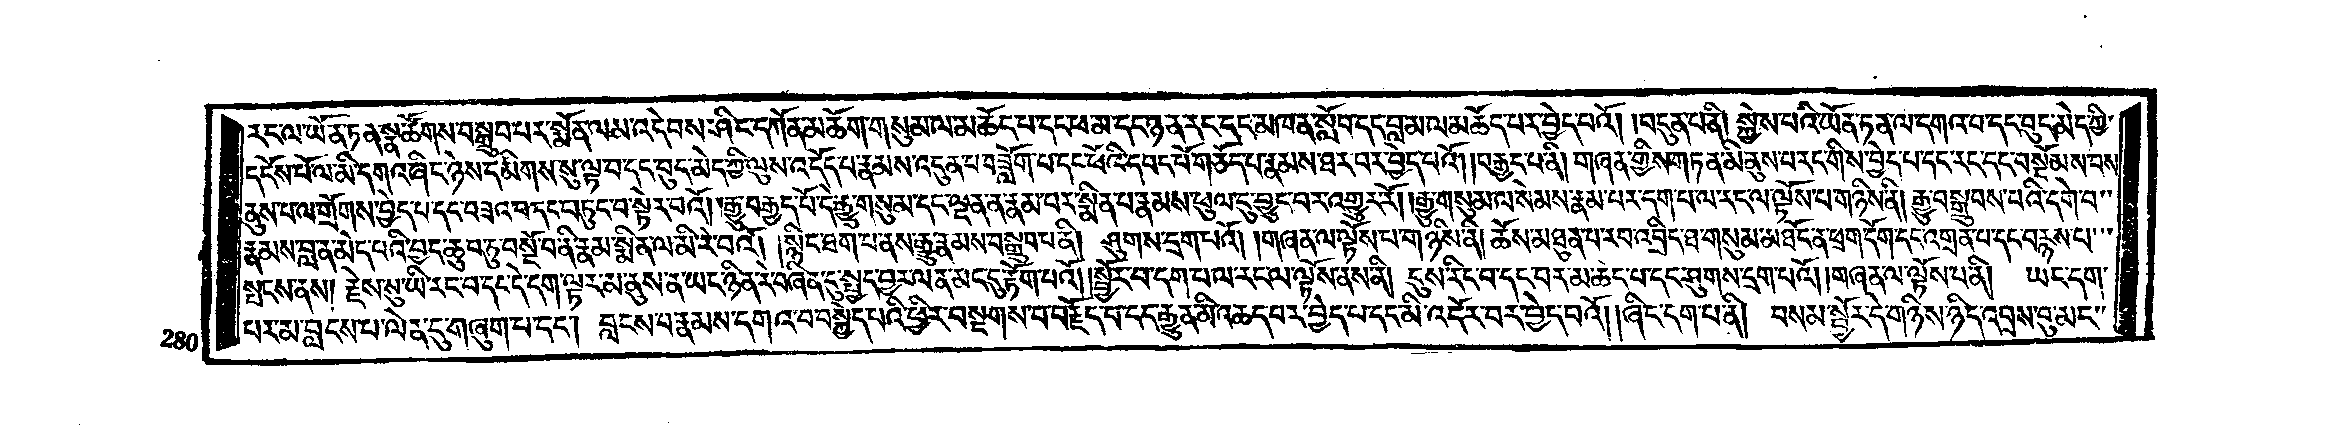རང་ལ་ཡོན་ཏན་སྣ་ཚོགས་བསྒྲུབ་པར་སྨོན་ལམ་འདེབས་ཤིང་དཀོན་མཆོག་གསུམ་ལ་མཆོད་པ་དང་ཕ་མ་དང་ཉན་རང་དང་མཁན་སློབ་དང་བླ་མ་ལ་མཆོད་པར་བྱེད་པའོ། །བདུན་པ་ནི། སྐྱེས་པའི་ཡོན་ཏན་ལ་དགའ་བ་དང་བུད་མེད་ཀྱི་
དངོས་པོ་ལ་མི་དགའ་ཞིང་ཉེས་དམིགས་སུ་ལྟ་བ་དང་བུད་མེད་ཀྱི་ལུས་འདོད་པ་རྣམས་འདུན་པ་བཟློག་པ་དང་ཕོའི་དབང་པོ་གཅོད་པ་རྣམས་ཐར་བར་བྱེད་པའོ། །བརྒྱད་པ་ནི། གཞན་གྱིས་གཏན་མི་ནུས་པ་རང་གིས་བྱེད་པ་དང་རང་དང་བསྡོམས་པས་
ནུས་པ་ལ་གྲོགས་བྱེད་པ་དང་བཟའ་བ་དང་བཏུང་བ་སྟེར་བའོ། །རྒྱུ་བརྒྱད་པོ་དེ་རྒྱུ་གསུམ་དང་ལྡན་ན་རྣམ་པར་སྨིན་པ་རྣམས་ཕུལ་དུ་བྱུང་བར་འགྱུར་རོ། །རྒྱུ་གསུམ་ལ་སེམས་རྣམ་པར་དག་པ་ལ་རང་ལ་ལྟོས་པ་གཉིས་ནི། རྒྱུ་བསྒྲུབས་པའི་དགེ་བ་
རྣམས་བླ་ན་མེད་པའི་བྱང་ཆུབ་ཏུ་བསྔོ་བ་ནི་རྣམ་སྨིན་ལ་མི་རེ་བའོ། །སྙིང་ཐག་པ་ནས་རྒྱུ་རྣམས་བསྒྲུབ་པ་ནི། ཤུགས་དྲག་པའོ། །གཞན་ལ་ལྟོས་པ་གཉིས་ནི། ཆོས་མཐུན་པ་རབ་འབྲིང་ཐ་གསུམ་མཐོང་ན་ཕྲག་དོག་དང་འགྲན་པ་དང་བརྙས་པ་
སྤངས་ནས། རྗེས་སུ་ཡི་རང་བ་དང་དེ་དག་ལྟར་མ་ནུས་ན་ཡང་ཉིན་རེ་བཞིན་དུ་སྤྱད་བྱར་ལན་མང་དུ་རྟོག་པའོ། །སྦྱོར་བ་དག་པ་ལ་རང་ལ་ལྟོས་ནས་ནི། དུས་རིང་བ་དང་བར་མ་ཆད་པ་དང་ཤུགས་དྲག་པའོ། །གཞན་ལ་ལྟོས་པ་ནི། ཡང་དག་
བར་མ་བླངས་པ་ལེན་དུ་གཞུག་པ་དང་། བླངས་པ་རྣམས་དགའ་བ་བསྐྱེད་པའི་ཕྱིར་བསྔགས་པ་བརྗོད་པ་དང་རྒྱུན་མི་འཆད་པར་བྱེད་པ་དང་མི་འདོར་བར་བྱེད་པའོ། །ཞིང་དག་པ་ནི། བསམ་སྦྱོར་དེ་གཉིས་ཉིད་འབྲས་བུ་མང་